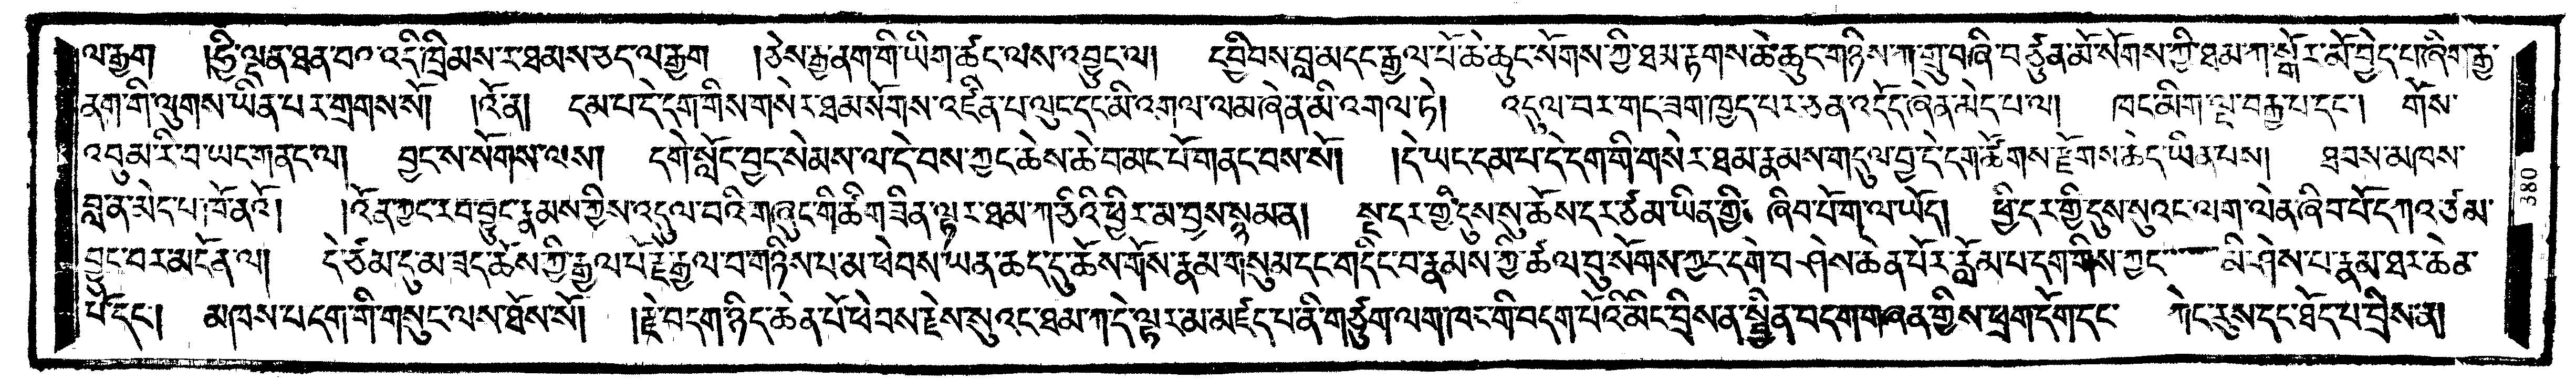ལ་རྒྱག །ཧྱི་ལྡན་ཐན་པའ་འདི་ཁྲིམས་ར་ཐམས་ཅད་ལ་རྒྱག །ཅེས་རྒྱ་ནག་གི་ཡིག་ཚང་ལས་འབྱུང་ལ། དབྱིངས་བླ་མ་དང་རྒྱལ་པོ་ཆེ་ཆུང་སོགས་ཀྱི་ཐམ་རྟགས་ཆེ་ཆུང་གཉིས་ཀ་གྲུ་བཞི་བཙུན་མོ་སོགས་ཀྱི་ཐམ་ཀ་སྒོར་མོ་བྱེད་པ་ཞིབ་རྒྱ་
ནག་གི་ལུགས་ཡིད་པར་གྲགས། །འོ་ན། དམ་པ་དེ་དག་གིས་གསེར་ཐམ་སོགས་འཛིན་པ་ལུང་དང་མི་འགལ་ལམ་ཞེ་ན་མི་འགལ་ཏེ། འདུལ་བར་གང་ཟག་ཁྱད་པར་ཅན་འདོད་ཞེས་མེད་པ་ལ། ཁང་མིག་ལྔ་བརྒྱ་པ་དང་། གོས་
འབུམ་རི་པ་ཡང་གནང་ལ། བྱང་ས་སོགས་ལས། དགེ་སློང་བྱང་སེམས་ལ་དེ་བས་ཀྱང་ཆེས་ཆེ་བ་མང་པོ་གནང་བས་སོ། །དེ་ཡང་དམ་པ་དེ་དག་གི་གསེར་ཐམ་རྣམས་གདུལ་བྱ་དེ་དག་ཚོགས་རྫོགས་ཆེད་ཡིན་པས། ཐབས་མཁས་
བླ་ན་མེད་པ་ཁོ་ནའོ། །འོན་ཀྱང་རབ་བྱུང་རྣམས་ཀྱིས་འདུལ་བའི་གཞུང་གི་ཚིག་ཟིན་ལྟར་ཐམ་ཀ་ཅིའི་ཕྱིར་མ་བྱས་སྙམ་ན། སྔ་དར་གྱི་དུས་སུ་ཆོས་དར་ཙམ་ཡིན་གྱི་ཞིབ་པོ་ག་ལ་ཡོད། ཕྱིར་དར་གྱི་དུས་སུའང་ལག་ལེན་ཞི་པོ་དཀའ་ཙམ་
བྱུང་བར་མངོན་ལ། དེ་ཙམ་དུ་མ་ཟད་ཆོས་ཀྱི་རྒྱལ་པོ་རྗེ་རྒྱལ་བ་གཉིས་པ་མ་ཕེབས་ཡན་ཆད་དུ་ཆོས་གོས་རྣམ་གསུམ་དང་གདིང་བ་རྣམས་ཀྱི་ཚལ་བུ་སོགས་ཀྱང་དགེ་བཤེས་ཆེན་པོར་རློམ་པ་དག་གིས་ཀྱང་མི་ཤེས་པ་རྣམ་ཐར་ཆེན་
པོ་དང་། མཁས་པ་དག་གི་གསུང་ལས་ཐོས་སོ། །རྗེ་བདག་ཉིད་ཆེན་པོ་ཕེབས་རྗེས་སུའང་ཐམ་ཀ་དེ་ལྟར་མ་མཛད་པ་ནི་གཙུག་ལག་ཁང་གི་བདག་པོའི་མིང་བྲིས་ནས་སྦྱིན་བདག་གཞན་གྱིས་ཕྲག་དོག་དང་ཀེང་རུས་དང་ཐོད་པ་བྲིས་ན།